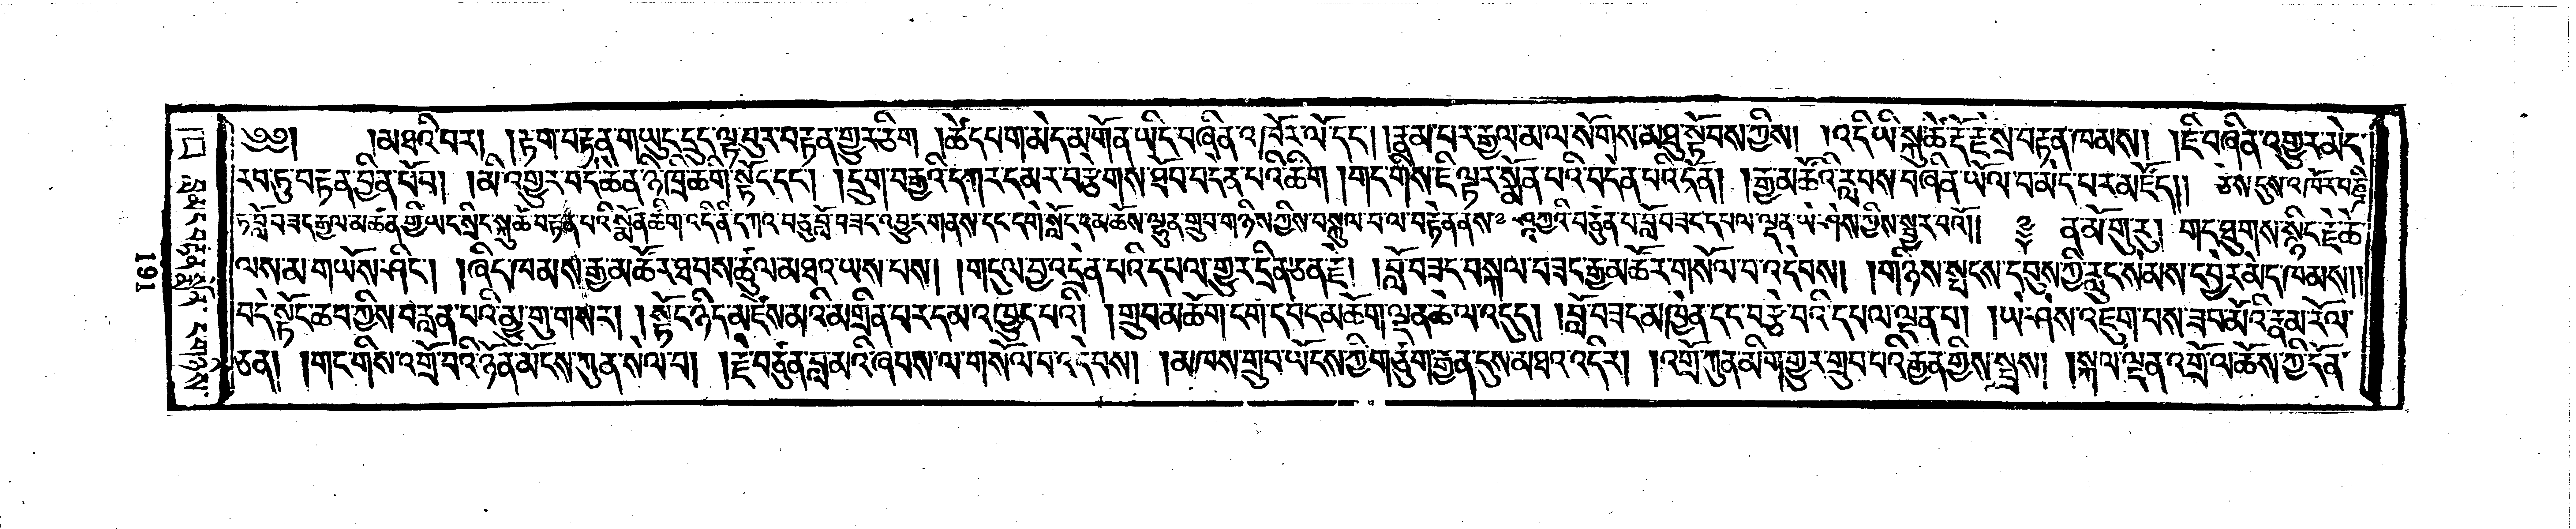༄༅། །མཐའི་བར། །རྟག་བརྟན་གཡུང་དྲུང་ལྟ་བུར་བརྟན་གྱུར་ཅིག །ཚེ་དཔག་མེད་མགོན་ཡིད་བཞིན་འཁོར་ལོ་དང་། །རྣམ་པར་རྒྱལ་མ་ལ་སོགས་མཐུ་སྟོབས་ཀྱིས། །འདི་ཡི་སྐུ་ཚེ་རྡོ་རྗེ་སྲ་བརྟན་ཁམས། །ཇི་བཞིན་འགྱུར་མེད་
རབ་ཏུ་བརྟན་བྱིན་པོས། །མི་འགྱུར་བདེ་ཆེན་ཉི་ཁྲི་ཆིག་སྟོང་དང་། །དྲུག་བརྒྱའི་དཀར་དམར་བརྩེགས་ཐོབ་བདེན་པའི་ཚིག །གང་གིས་ཇི་ལྟར་སྨོན་པའི་བདེན་པའི་དོན། །རྒྱ་མཚོའི་རླབས་བཞིན་ཡོལ་པ་མེད་པར་མཛོད། ཅེས་དུས་འཁོར་པཎྜི་
ཏ་བློ་བཟང་རྒྱལ་མཚན་གྱི་ཡང་སྲིད་སྐུ་ཚེ་བརྟན་པའི་སྨོན་ཚིག་འདི་ནི་དཀའ་བཅུ་བློ་བཟང་འབྱུང་གནས་དང་དགེ་སློང་དམ་ཆོས་ལྷུན་གྲུབ་གཉིས་ཀྱིས་བསྐུལ་བ་ལ་བརྟེན་ནས་༧་ཤཱཀྱའི་བརྩུན་པ་བློ་བཟང་དཔལ་ལྡན་ཡེ་ཤེས་ཀྱིས་སྦྱར་བའོ།། ༈ ན་མོ་གུ་རུ། གང་ཐུགས་སྙིང་རྗེ་ཆེ་
ལས་མ་གཡོས་ཤིང་། །ཞིང་ཁམས་རྒྱ་མཚོར་ཐབས་ཚུལ་མཐའ་ཡས་པས། །གདུལ་བྱ་འདྲེན་པའི་དཔལ་གྱུར་དྲིན་ཅན་རྗེ། །བློ་བཟང་བསྐལ་བཟང་རྒྱ་མཚོར་གསོལ་བ་འདེབས། །གཉིས་སྤངས་དབུས་ཀྱི་རླུང་སེམས་དབྱེར་མེད་ཁམས། །
བདེ་སྟོང་ཆབ་ཀྱིས་བརླན་པའི་མྱུ་གུ་གསར། །སྟོང་ཉིད་མཛེས་མའི་མགྲིན་པར་དམ་འཁྱུད་པའི། །གྲུབ་མཆོག་ངག་དབང་མཆོག་ལྡན་ཆེ་ལ་འདུད། །བློ་བཟང་མཁྱེན་དང་བརྩེ་བའི་དཔལ་ལྡན་པ། །ཡེ་ཤེས་འཇུག་པས་ཟབ་མོའི་རྣམ་རོལ་
ཅན། །གང་གིས་འགྲོ་བའི་ཉོན་མོངས་ཀུན་སེལ་བ། །རྗེ་བཙུན་བླ་མའི་ཞབས་ལ་གསོལ་བ་འདེབས། །མཁས་གྲུབ་ཡོངས་ཀྱི་གཙུག་རྒྱན་དུས་མཐའ་འདིར། །འགྲོ་ཀུན་མིག་གྱུར་གྲུབ་པའི་རྒྱན་གྱིས་སྤྲས། །སྐལ་ལྡན་འགྲོ་ལ་ཆོས་ཀྱི་དོན་